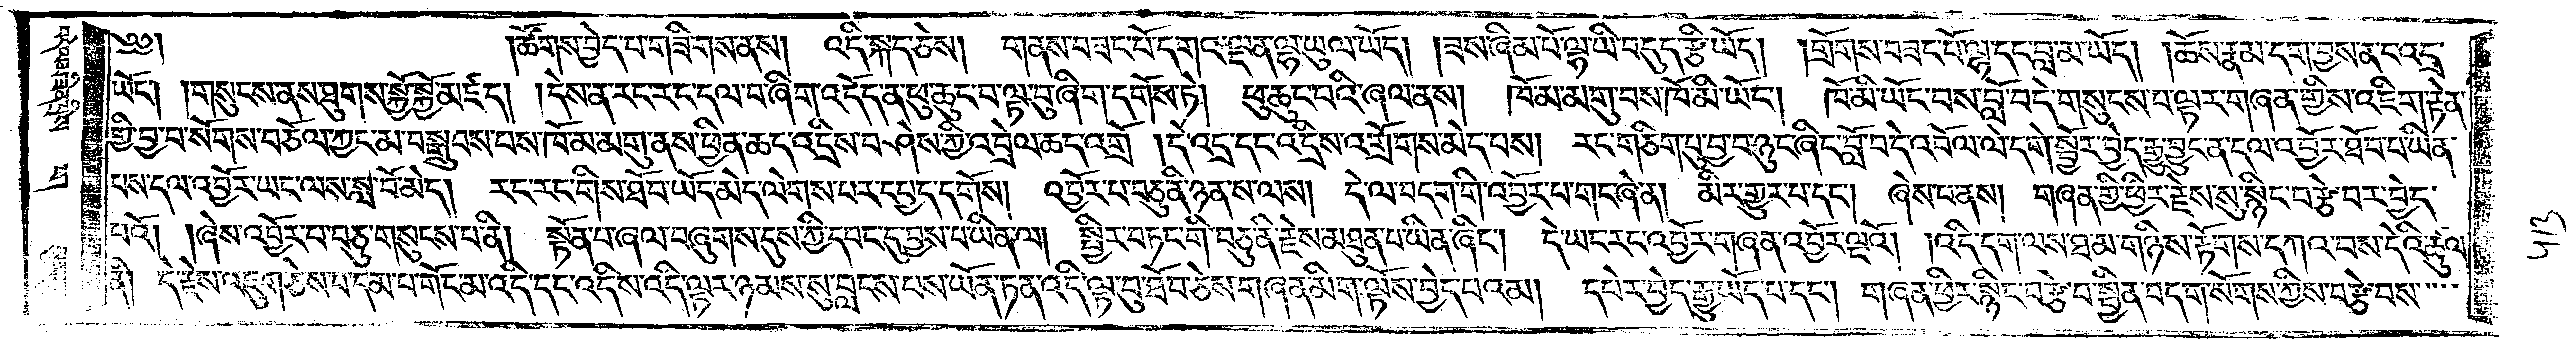༄༅། །ཚོགས་བྱེད་པ་གཟིགས་ནས། འདི་སྐད་ཅེས། གནས་བཟང་བོ་དགའ་ལྡན་ལྷ་ཡུལ་ཡོད། །ཟས་ཞིམ་པོ་ལྷ་ཡི་བདུད་རྩི་ཡོད། །གྲོགས་བཟང་པོ་ལྷ་དང་བླ་མ་ཡོད། །ཆོས་རྣམ་དག་བྱས་ནང་འདྲ་
ཡོང་། །གསུངས་ནས་ཐུགས་སྐྱོ་སྐྱོ་མཛད། །དེས་ན་རང་རང་དལ་བ་ཞིག་འདོད་ན་ཕུ་ཆུབ་བ་ལྟ་བུ་ཞིག་དགོས་ཏེ། ཕུ་ཆུང་བའི་ཞལ་ནས། ཁོ་མ་མདུ་བས་ཁོ་མི་ཡོང་། ཁོ་མི་ཡོང་བས་བློ་བདེ་གསུངས་བ་ལྟར་གཞན་གྱིས་འཇིག་རྟེན་
གྱི་བྱ་བ་སོགས་བཅོལ་ཀྱང་མ་བསྒྲུབ་པས་ཁོ་མ་མགུ་ནས་ཕྱིན་ཆད་འདྲིས་བཤེས་ཀྱི་འབྲིལ་ཆད་འགྲོ་།དེ་འདྲ་དང་འདྲིས་འགྲོགས་མེད་པས། རང་གཅིག་པུ་བྱ་བ་ཉུང་ཞིང་བློ་བདེ་འབོལ་ལེ་དགེ་སྦྱོར་བྱེད་རྒྱུ་བྱུང་ན་ངལ་འབྱོར་ཐོབ་པ་ཡིན་
པས་དལ་འབྱོར་ཡང་ལས་སླ་བོ་མེད། རང་རང་གིས་ཐོབ་ཡོད་མེད་ལེགས་པར་དཔྱད་དགོས། འབྱོར་པ་བཅུ་ནི་ཉན་ས་ལས། དེ་ལ་བདག་གི་འབྱོར་པ་གང་ཞེ་ན། མིར་གྱུར་པ་དང་། ཞེས་པ་ནས། གཞན་གྱི་ཕྱིར་རྗེས་སུ་སྙིང་བརྩེ་བར་བྱེད་
པའོ། །ཞེས་འབྱོར་པ་བཅུ་གསུངས་པ་ནི། སྟོན་པ་ཞལ་བཞུགས་དུས་ཀྱི་དབང་དུ་བྱས་བ་ཡིན་ལ། སྤྱིར་བཏང་གི་བཅུ་ནི་རྗེས་མཐུན་པ་ཡིན་ཞིང་། དེ་ཡང་རང་འབྱོར་གཞན་འབྱོར་ལྔའོ། །འདི་དག་ལས་ཐ་མ་གཉིས་རྟོགས་དཀའ་བས་དེའི་ཚུལ་
ནི། དེ་རྗེས་འཇུག་ཅེས་པ་དམ་པ་གོང་མ་འདི་དང་འདིས་འདི་ལྟར་ཉམས་སུ་བླངས་པས་ཡོན་ཏན་འདི་ལྟ་བུ་ཐོབ་ཅེས་གཞན་མིག་ལྟོས་བྱེད་བའམ། དཔེར་བྱེད་རྒྱུ་ཡོད་པ་དང་། གཞན་ཕྱིར་སྙིང་བརྩེ་བ་སྦྱིན་བདག་སོགས་ཀྱིས་བརྩེ་བས་